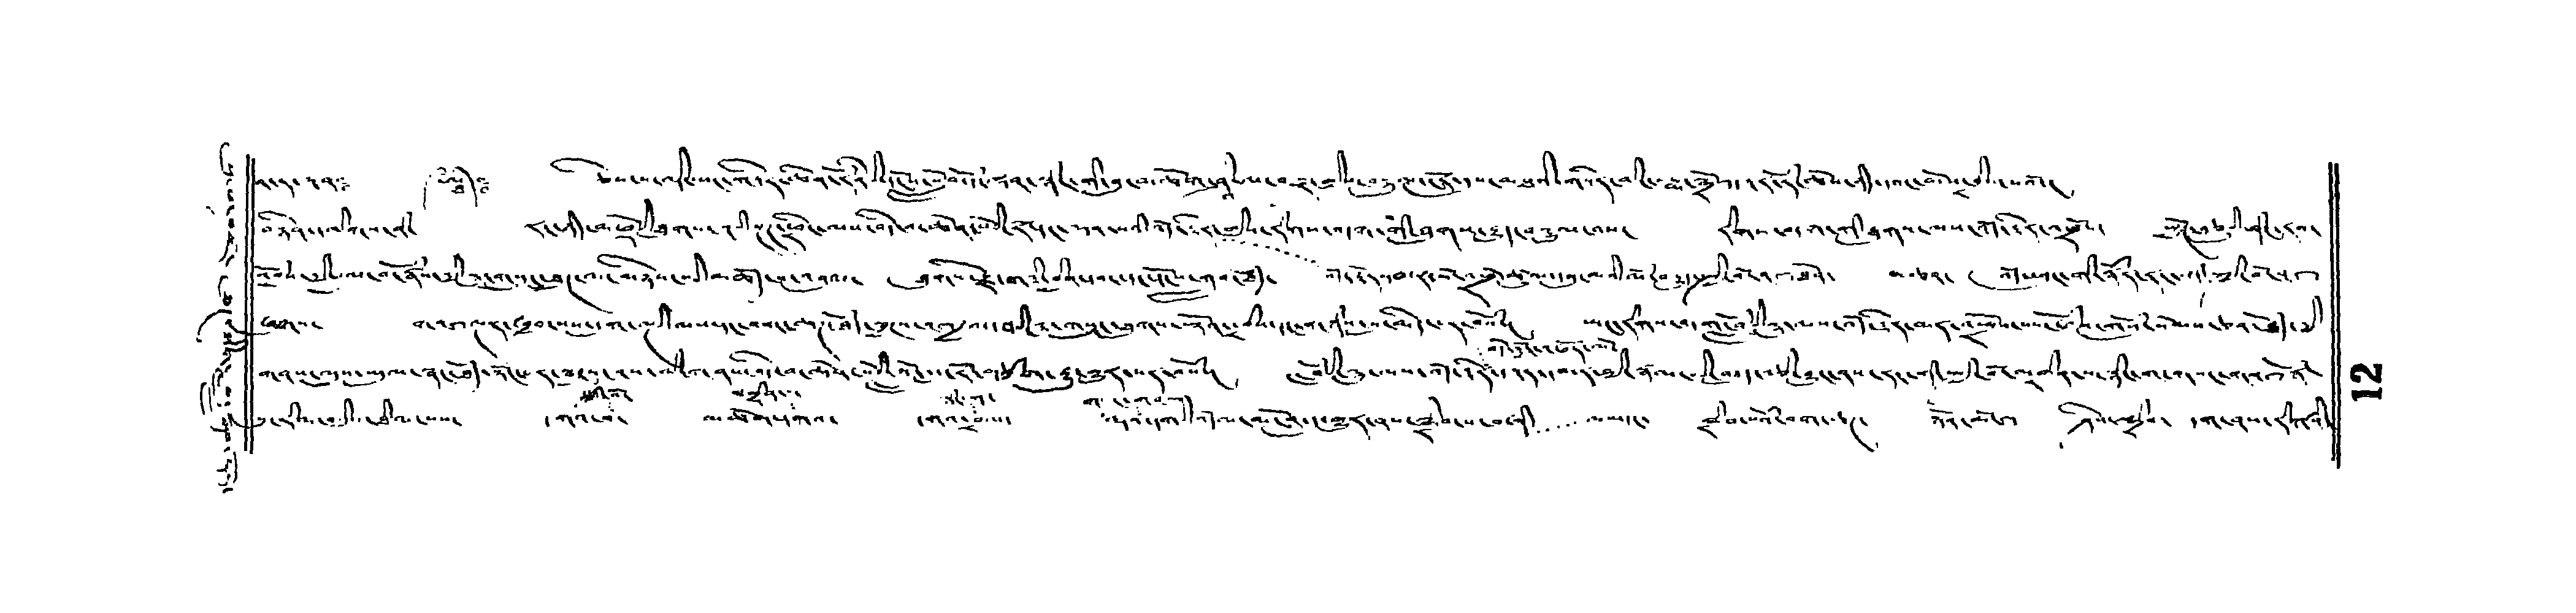ན་ར་ཀན༔ ༔ ཅེས་པ་འདི་ཡང་གཏེར་ཆེན་རིན་པོ་ཆེའི་དངོས་སློབ་དམ་ལྡན་སྙིང་གི་བུ་མཆོག་ཤཱི་ལ་བཛྲ་གྱིས་བསྐུལ་ངོར་དུས་མཐའི་གཏེར་མིང་པདྨ་སྒྲོལ་དཀར་རམ་ཆོས་ཉིད་དབང་མོས་བྲིས་པའོ།།
བསྙེན་དམིགས་ནི། རང་ཉིད་མཁའ་འགྲོའི་ཐུགས་ཀའི་སྔགས་ཕྲེང་ལས་བདེ་བ་ཆེན་པོའི་རོ་དང་ལྡན་པའི་འོད་ཟེར་གྱིས་རིགས་བདག་གི་ཐུགས་རྒྱུད་བསྐུལ་བས། རིགས་བདག་གི་ཐུགས་ལས་འོད་ཟེར་འཕྲོས། ཕྱོགས་བཅུའི་ཞིང་རབ་
འབྱམས་ཀྱི་རྒྱལ་བ་རྣམས་ཀྱི་སྐུ་གསུང་ཐུགས་ལ་མཉེས་པའི་མཆོད་པ་འབུལ། ཐུགས་རྗེ་གཟི་བྱིན་དབང་དང་དངོས་གྲུབ་ཐམས་ཅད། འོད་ཕུང་གི་རྣམ་པར་རང་གི་སྤྱི་བོ་ནས་
ཞུགས། གནས་ལྔར་ཁྱབ་པས་དུག་ལྔའི་ལས་དང་བག་ཆགས་ཐམས་ཅད་སྦྱངས་ནས་རྒྱལ་བའི་སྐུ་གསུང་ཐུགས་ཡོན་ཏན་ཕྲིན་ལས་དང་གཉིས་སུ་མེད་པར་བསམ། ཡང་རིགས་བདག་བླ་མའི་སྐུ་ལས་འོད་ཟེར་མར་འཕྲོས་པས་ཁམས་གསུམ་སེམས་ཅན་ཐམས་ཅད་ཀྱི་
གནས་ལུས་ཡུལ་སྣང་ཐམས་ཅད་སྟོང་པར་སྦྱངས་ནས་མི་གནས་བདེ་བ་ཆེན་པོའི་ཀློང་དུ་རོ་གཅིག་ཏུ་གྱུར་པར་བསམ། བླ་མའི་སྐུ་ལས་འོད་ཟེར་དཀར་དམར་གྱི་རྣམ་པའི་བདུད་རྩི་བྱུང་ནས་རང་གི་སྤྱི་བོ་མགྲིན་པ་སྙིང་ག་གསང་གནས་རྣམས་
སུ་རིམ་གྱིས་ཐིམ་པས། དགའ་བ། མཆོག་དགའ། དགའ་བྲལ། ལྷན་དགའི་འོད་གསལ་མངོན་དུ་གྱུར་ནས་སྒྲིབ་པ་བཞི་དག་ནས་རིག་འཛིན་